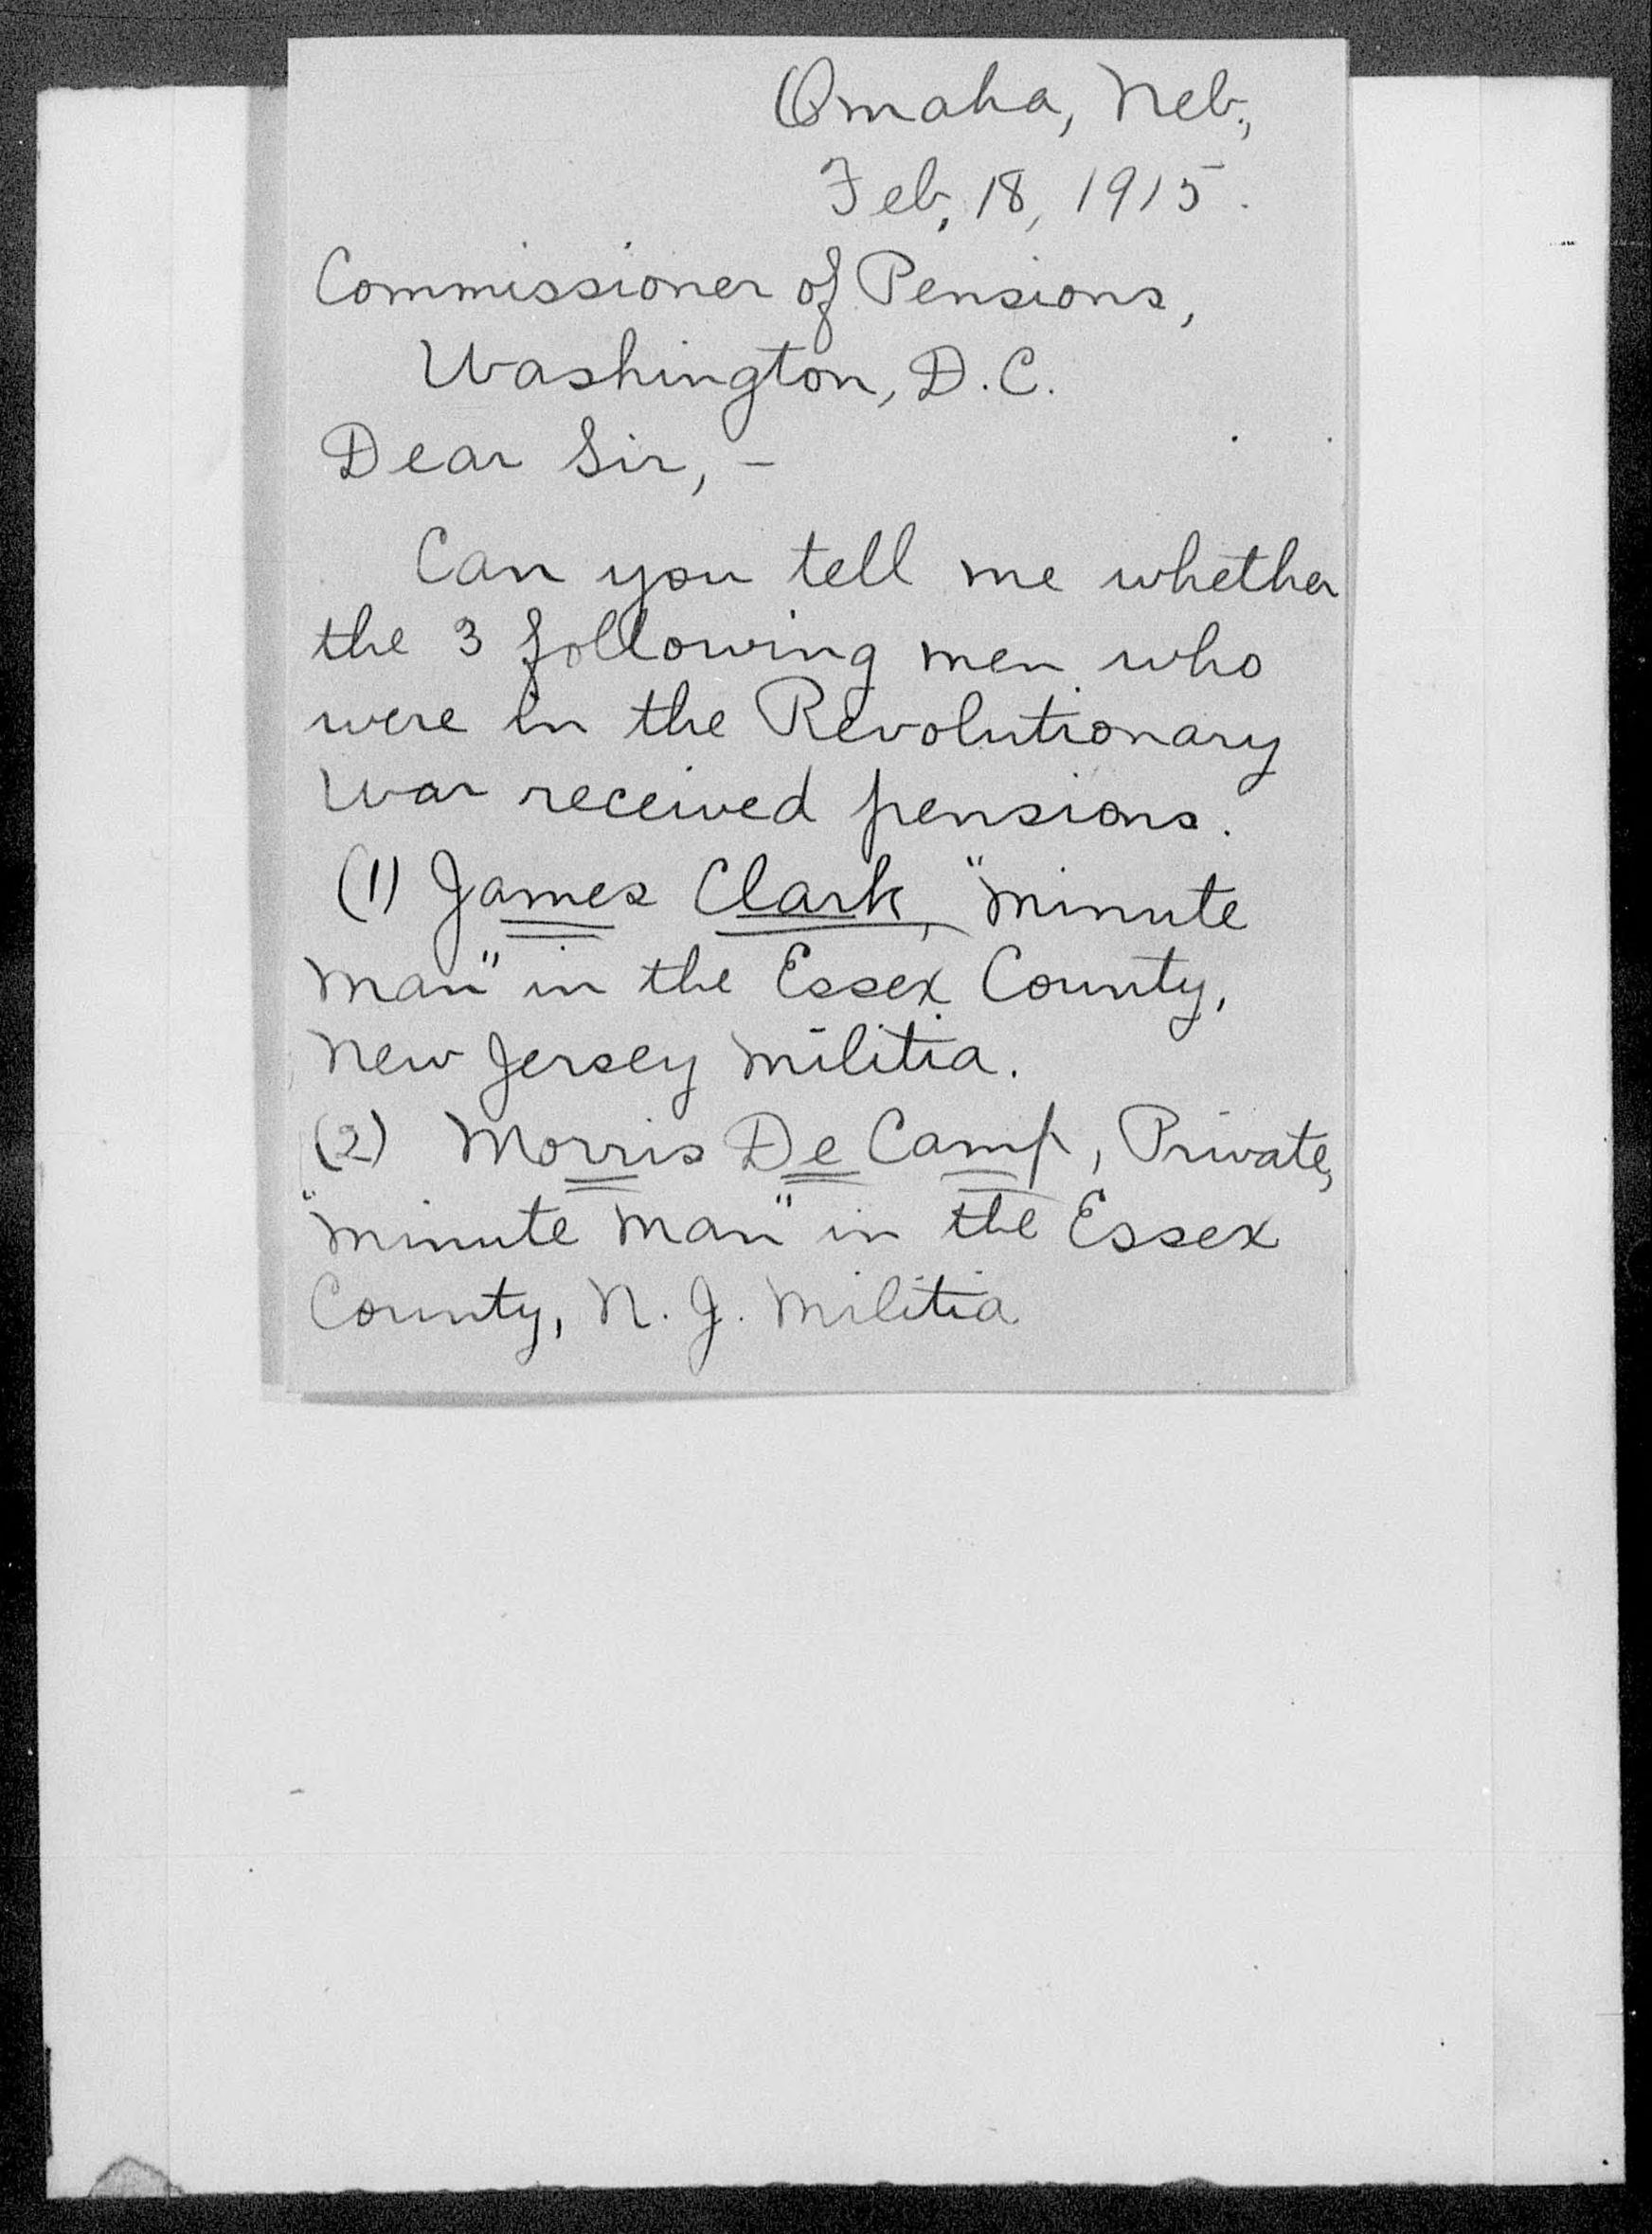Omaha, Neb, Feb. 18 1915
Commissioner of Pensions, Washington D. C.
Dear Sir,-
Can you tell me whether the 3 following men who were in the Revolutionary war received pensions.
(1) James Clark, "minute man" in the Essex County, New Jersey militia.
(2) Morris De Camp, Private, ""minute man" in the Essex County, N. J. militia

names: Morris De Camp, James Clark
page: 36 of 52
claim: survivor's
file: S. 34172, Morris D Camp, Continental (New Jersey)